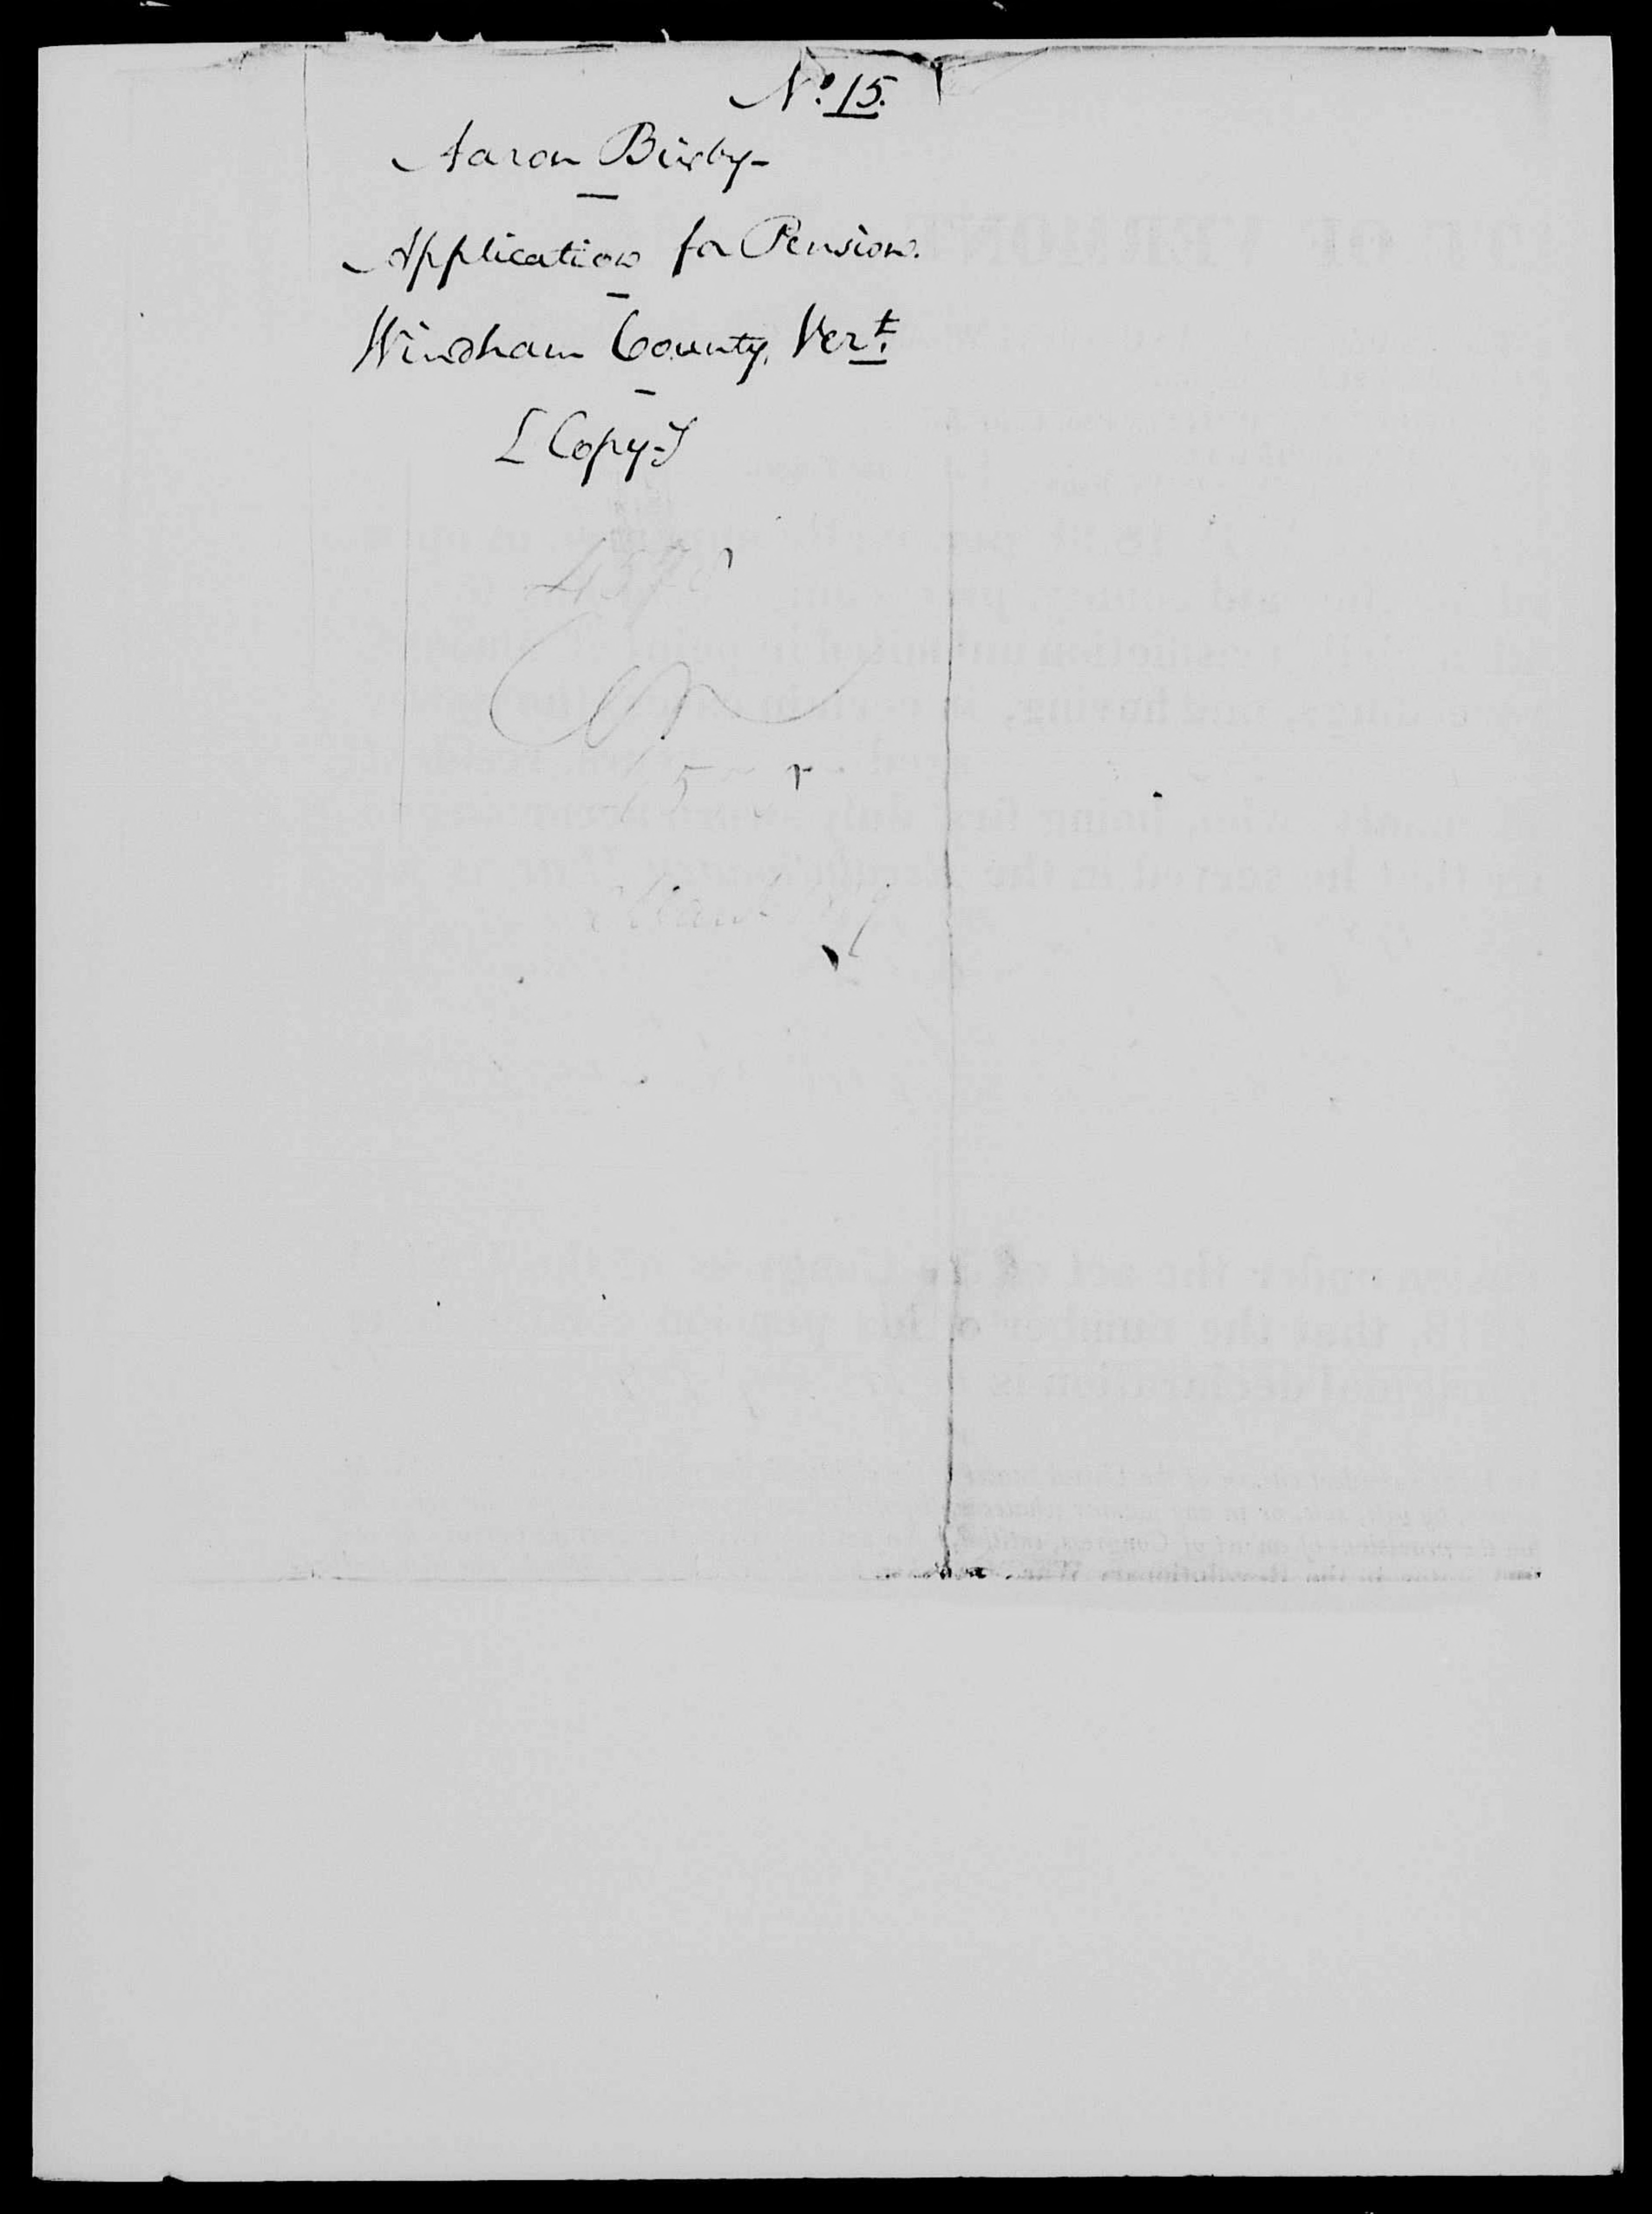No.15.
Aaron Bixby -

Application for Pension:
Windham County, Ver.t
Copy.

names: Aaron Bixby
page: 5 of 17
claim: survivor's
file: S 41436, Aaron Bixby, N.H.